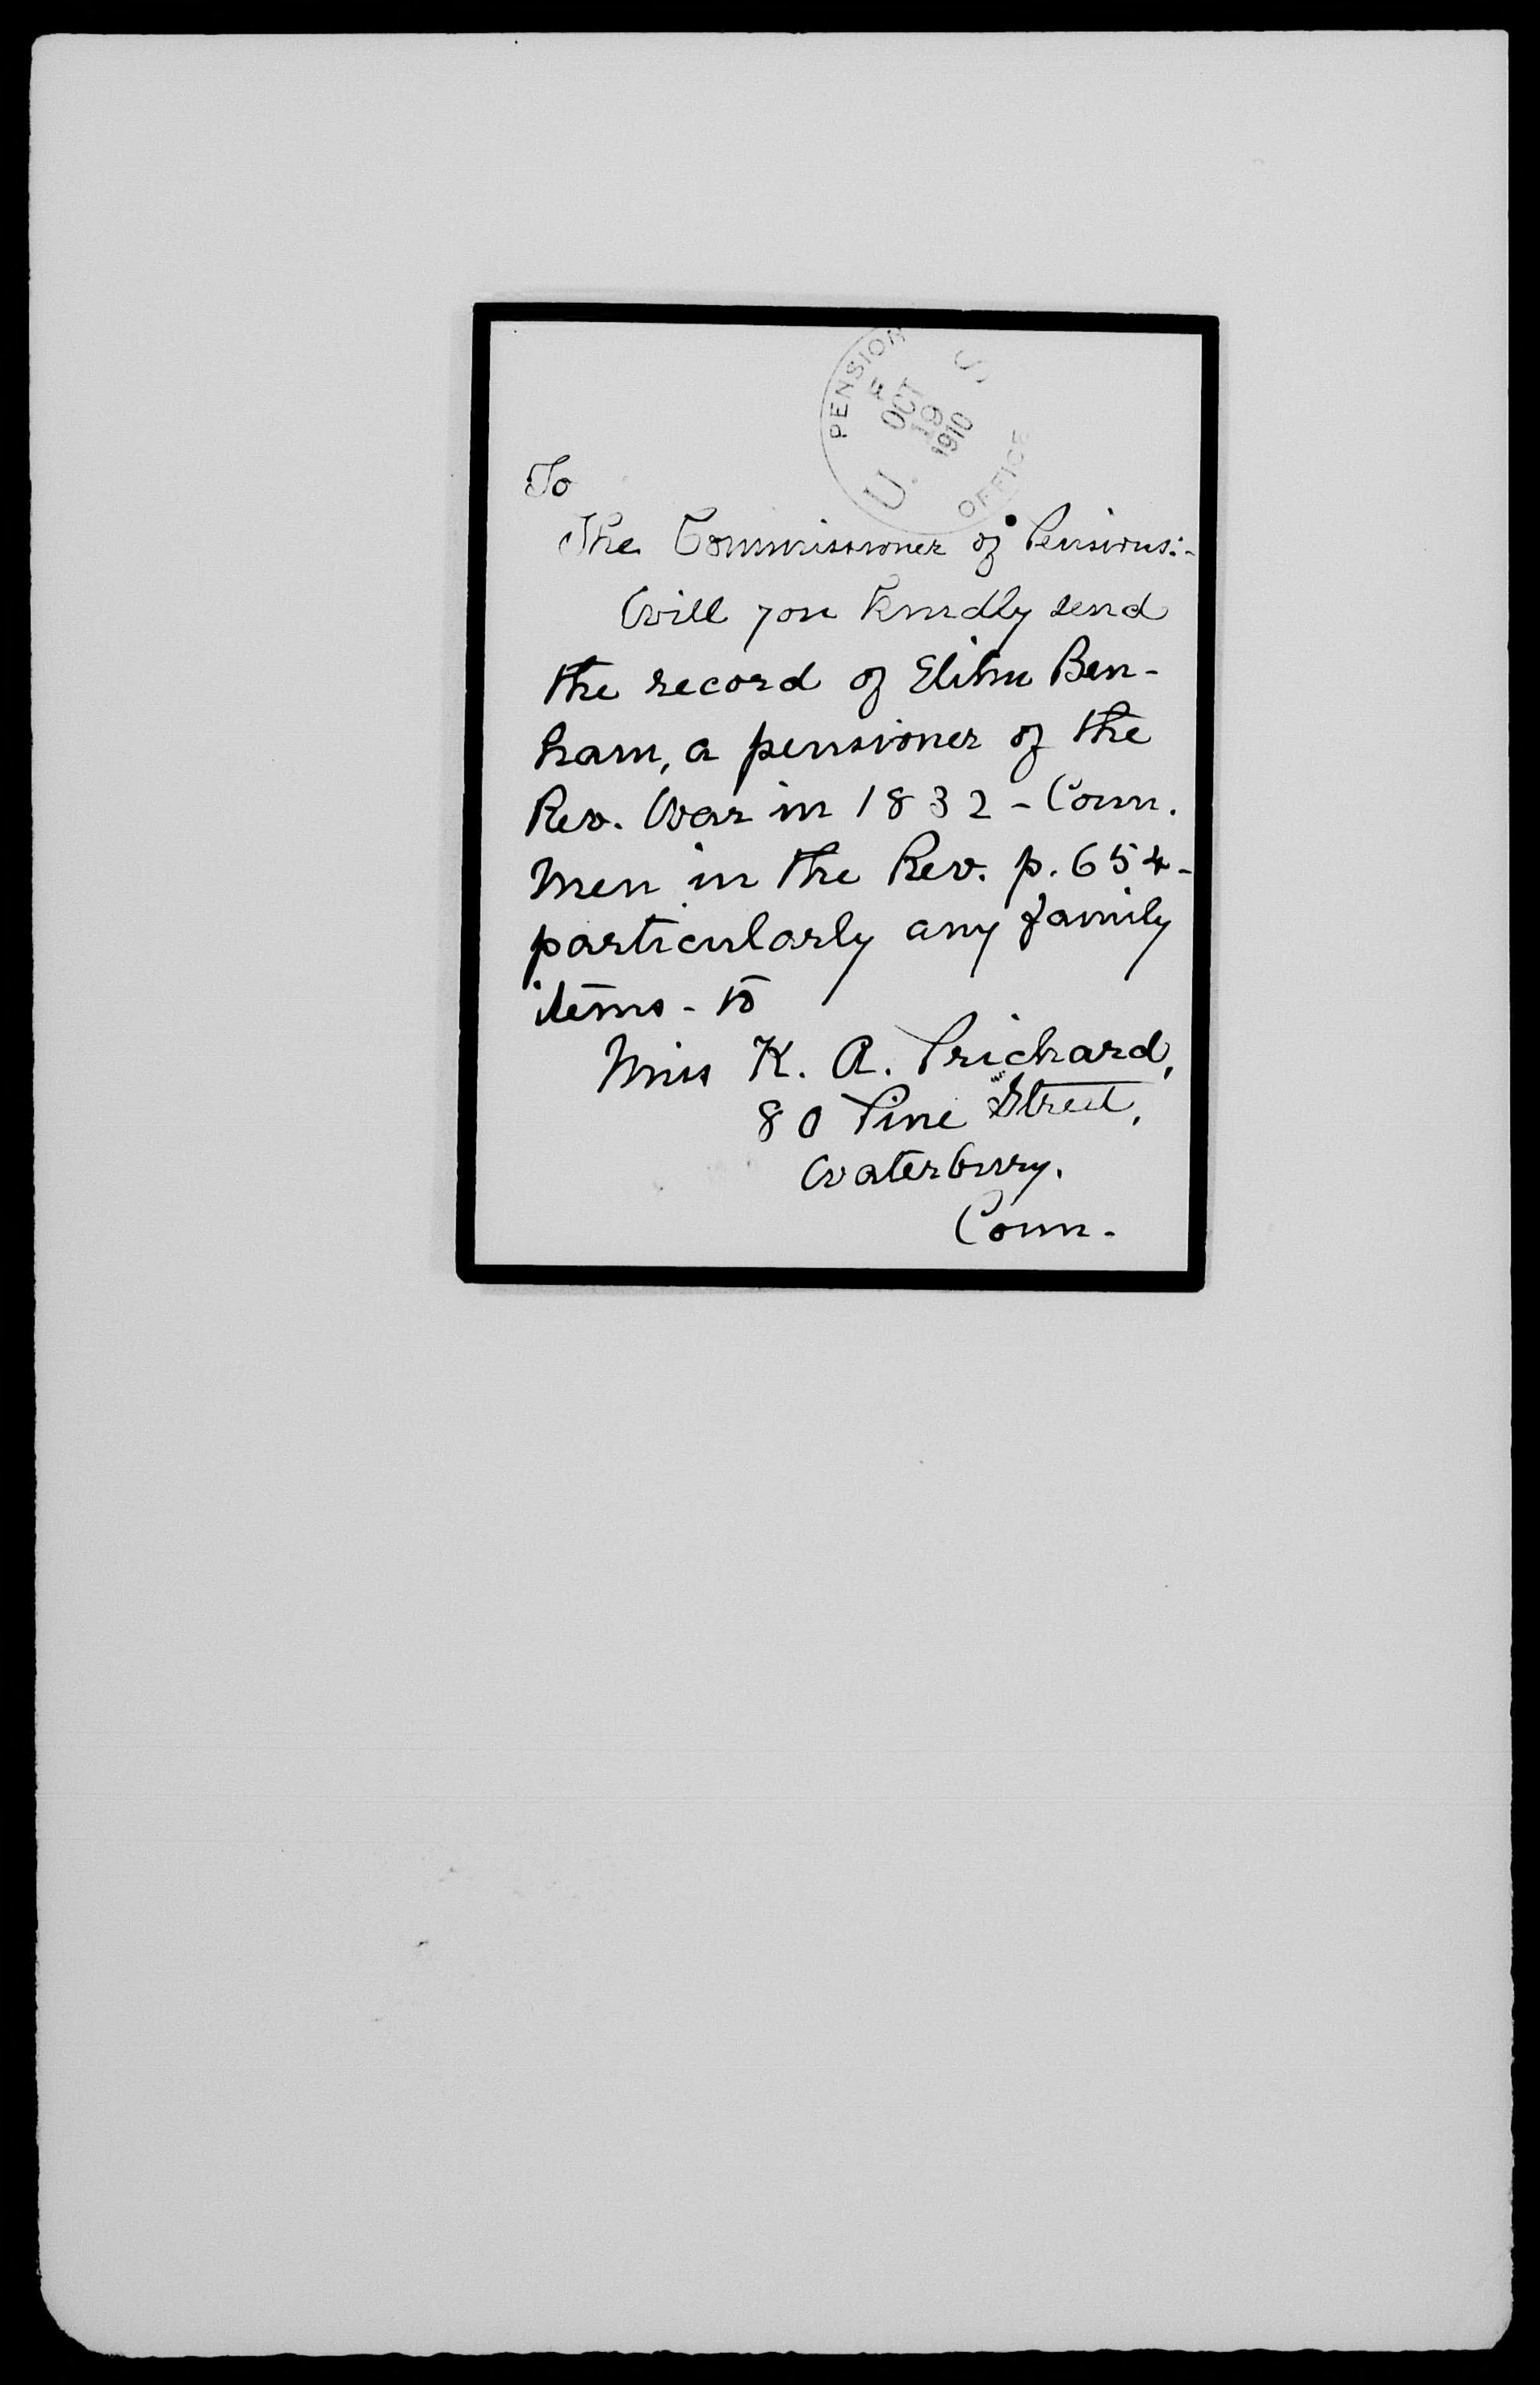[U.S. Pension Office stamp OCT 19, 1910]

To 
The Commissioner of Pensions: 
Will you kindly send the record of Elihu Benham, a pensioner of the Rev. War in 1832- Conn. Men in the Rev. p. 654 - particularly any family items to 
Miss K. A. Prichard 80 Pine Street 
Waterbury Conn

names: Elihu Benham, K A Prichard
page: 31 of 45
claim: survivor's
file: S. 15748, Elihu Benham, Conn.